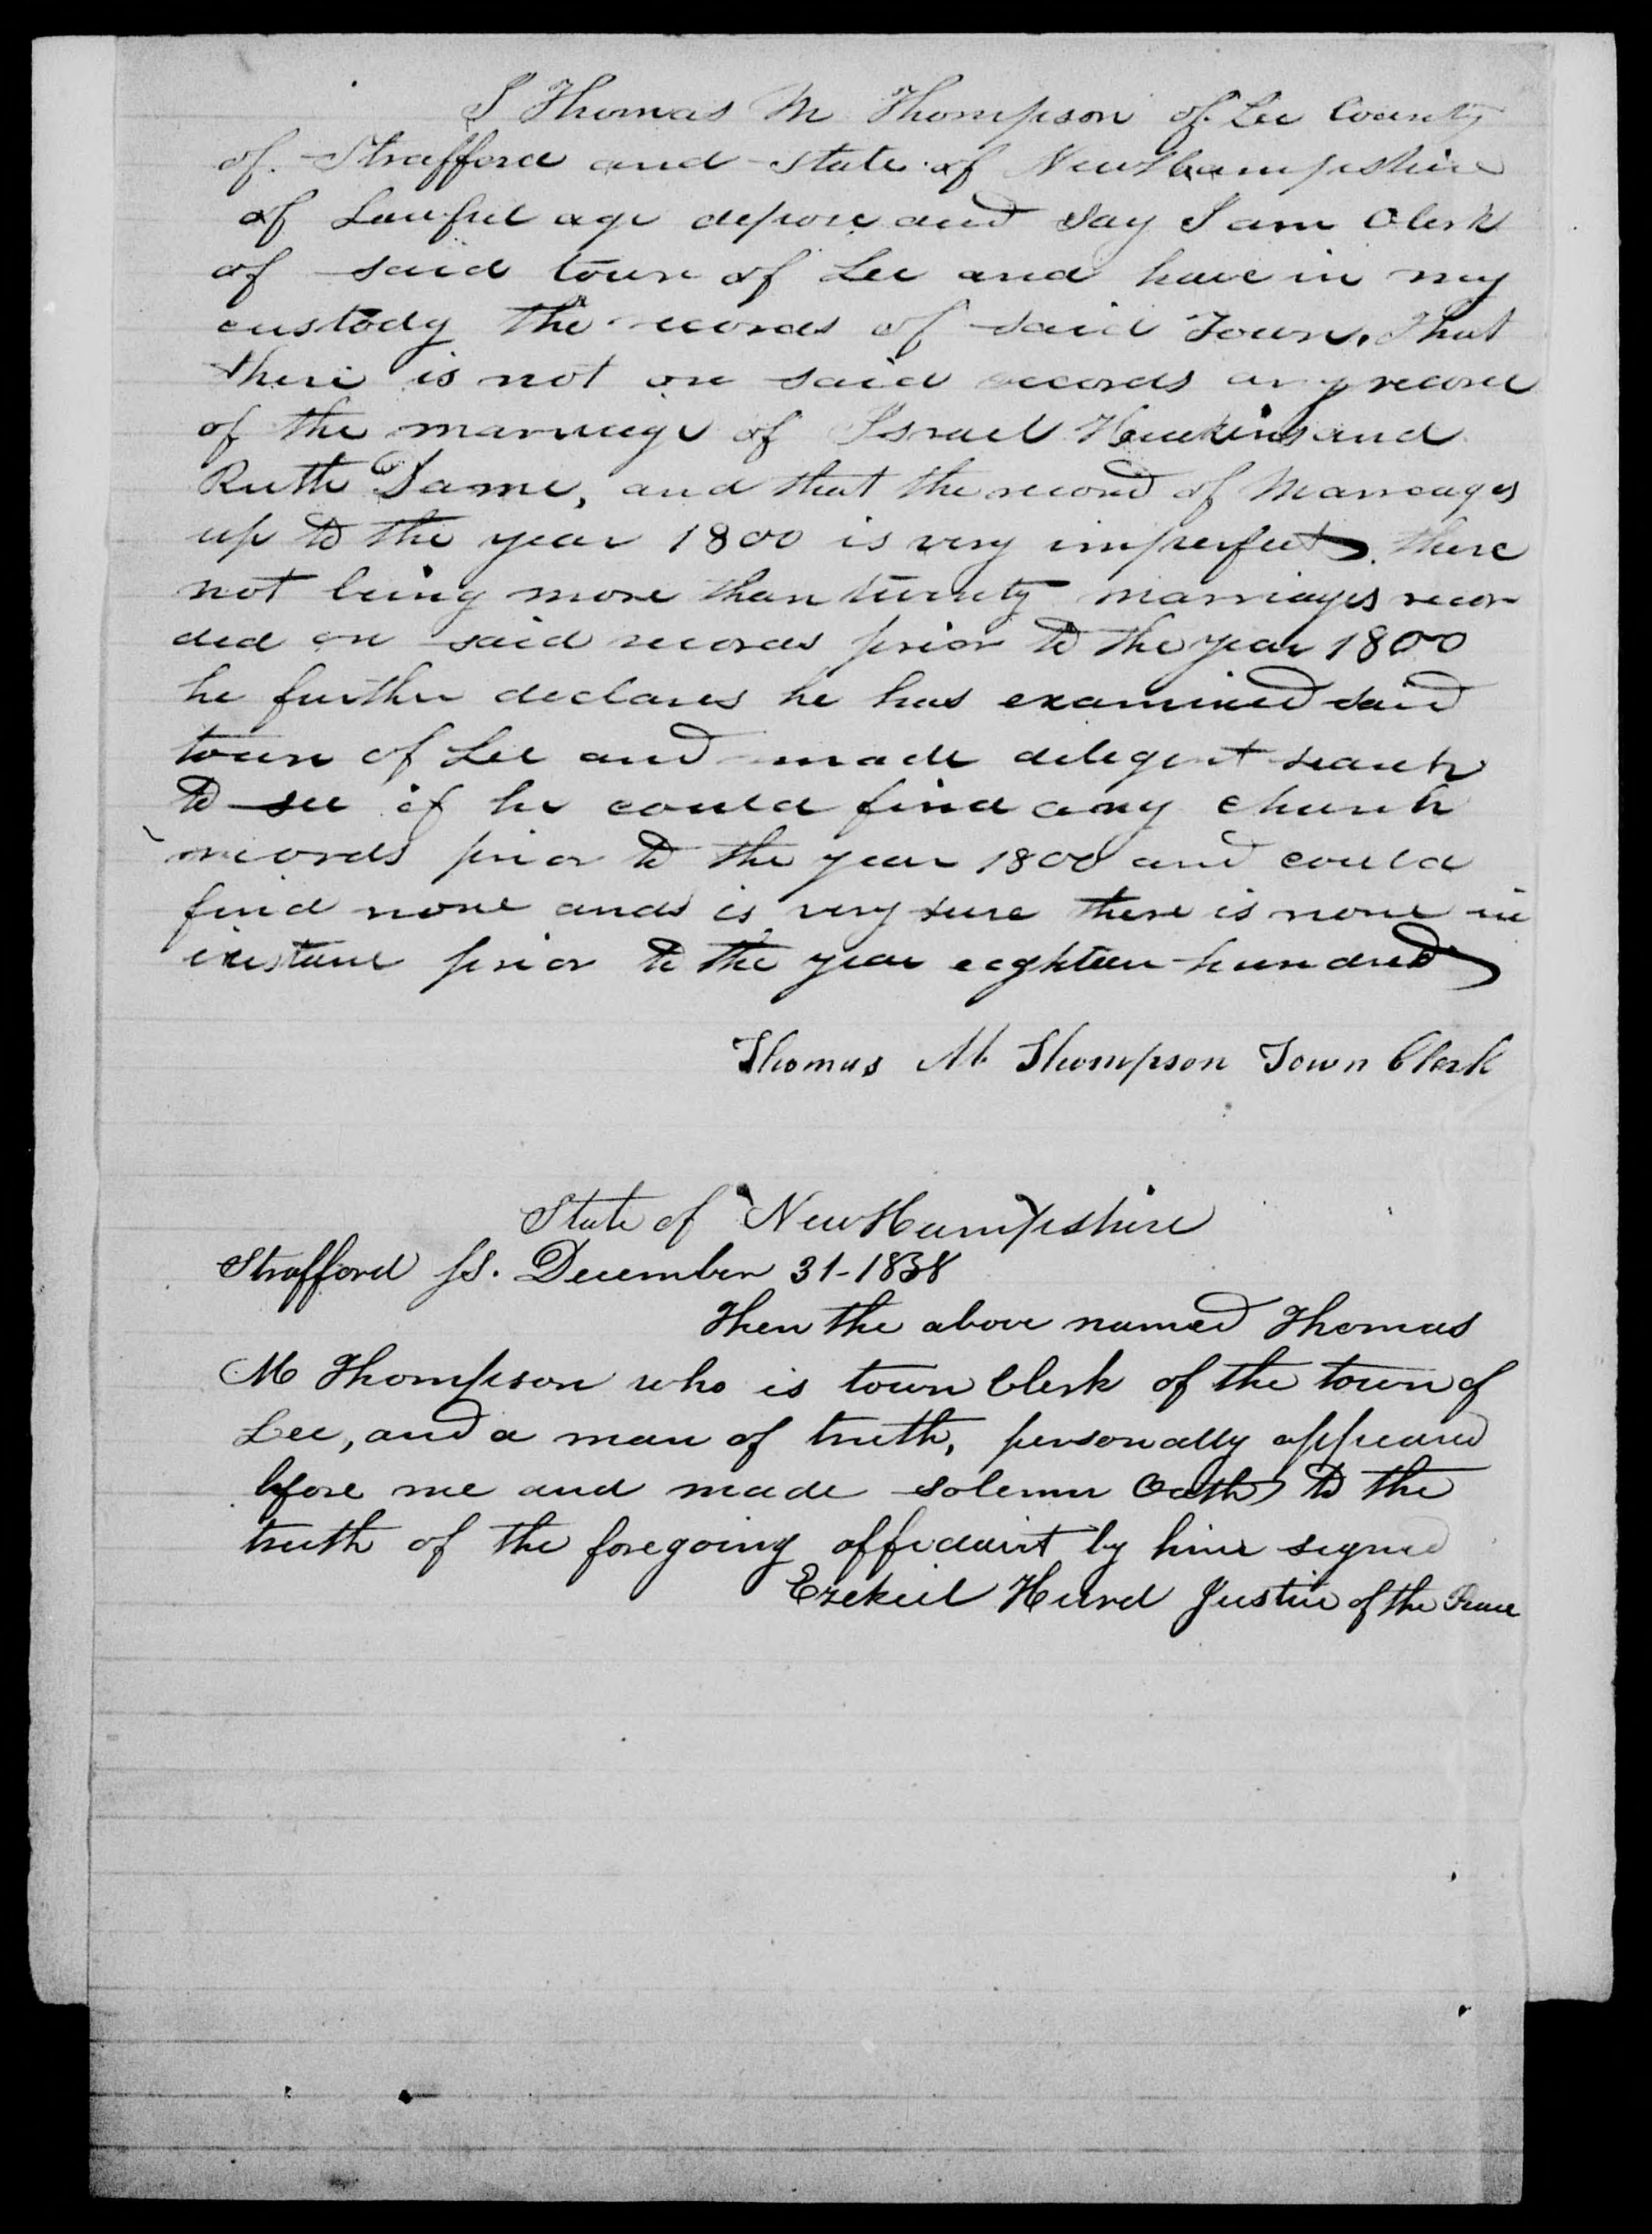I Thomas M. Thompson of Lee County of Strafford and State of New Hampshire of lawful age depose and say I am Clerk of said town of Lee and have in my custody the records of said Town, that there is not on said records any record of the marriage of Israel Hawkins and Ruth Dame, and that the records of marriages up to the year 1800 is very imperfect, does not contain more than thirty marriages recorded on said record prior to the year 1800. I further declare I have examined said town records and made diligent search to see if I could find any church records prior to the year 1800 and could find none and is my true belief there is none in existence prior to the year eighteen hundred.

Thomas M. Thompson Town Clerk

State of New Hampshire
Strafford SS. December 31, 1834

Then the above named Thomas M. Thompson who is town clerk of the town of Lee, and a man of truth, personally appeared before me and made solemn oath to the truth of the foregoing affidavit by him signed.

Ezekiel Hayes Justice of the Peace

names: Ezekiel Hurd, Thomas M Thompson, Ruth Dame, Israel Huckins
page: 9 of 35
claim: widow's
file: W. 16127, Israel Huckins, N.H.